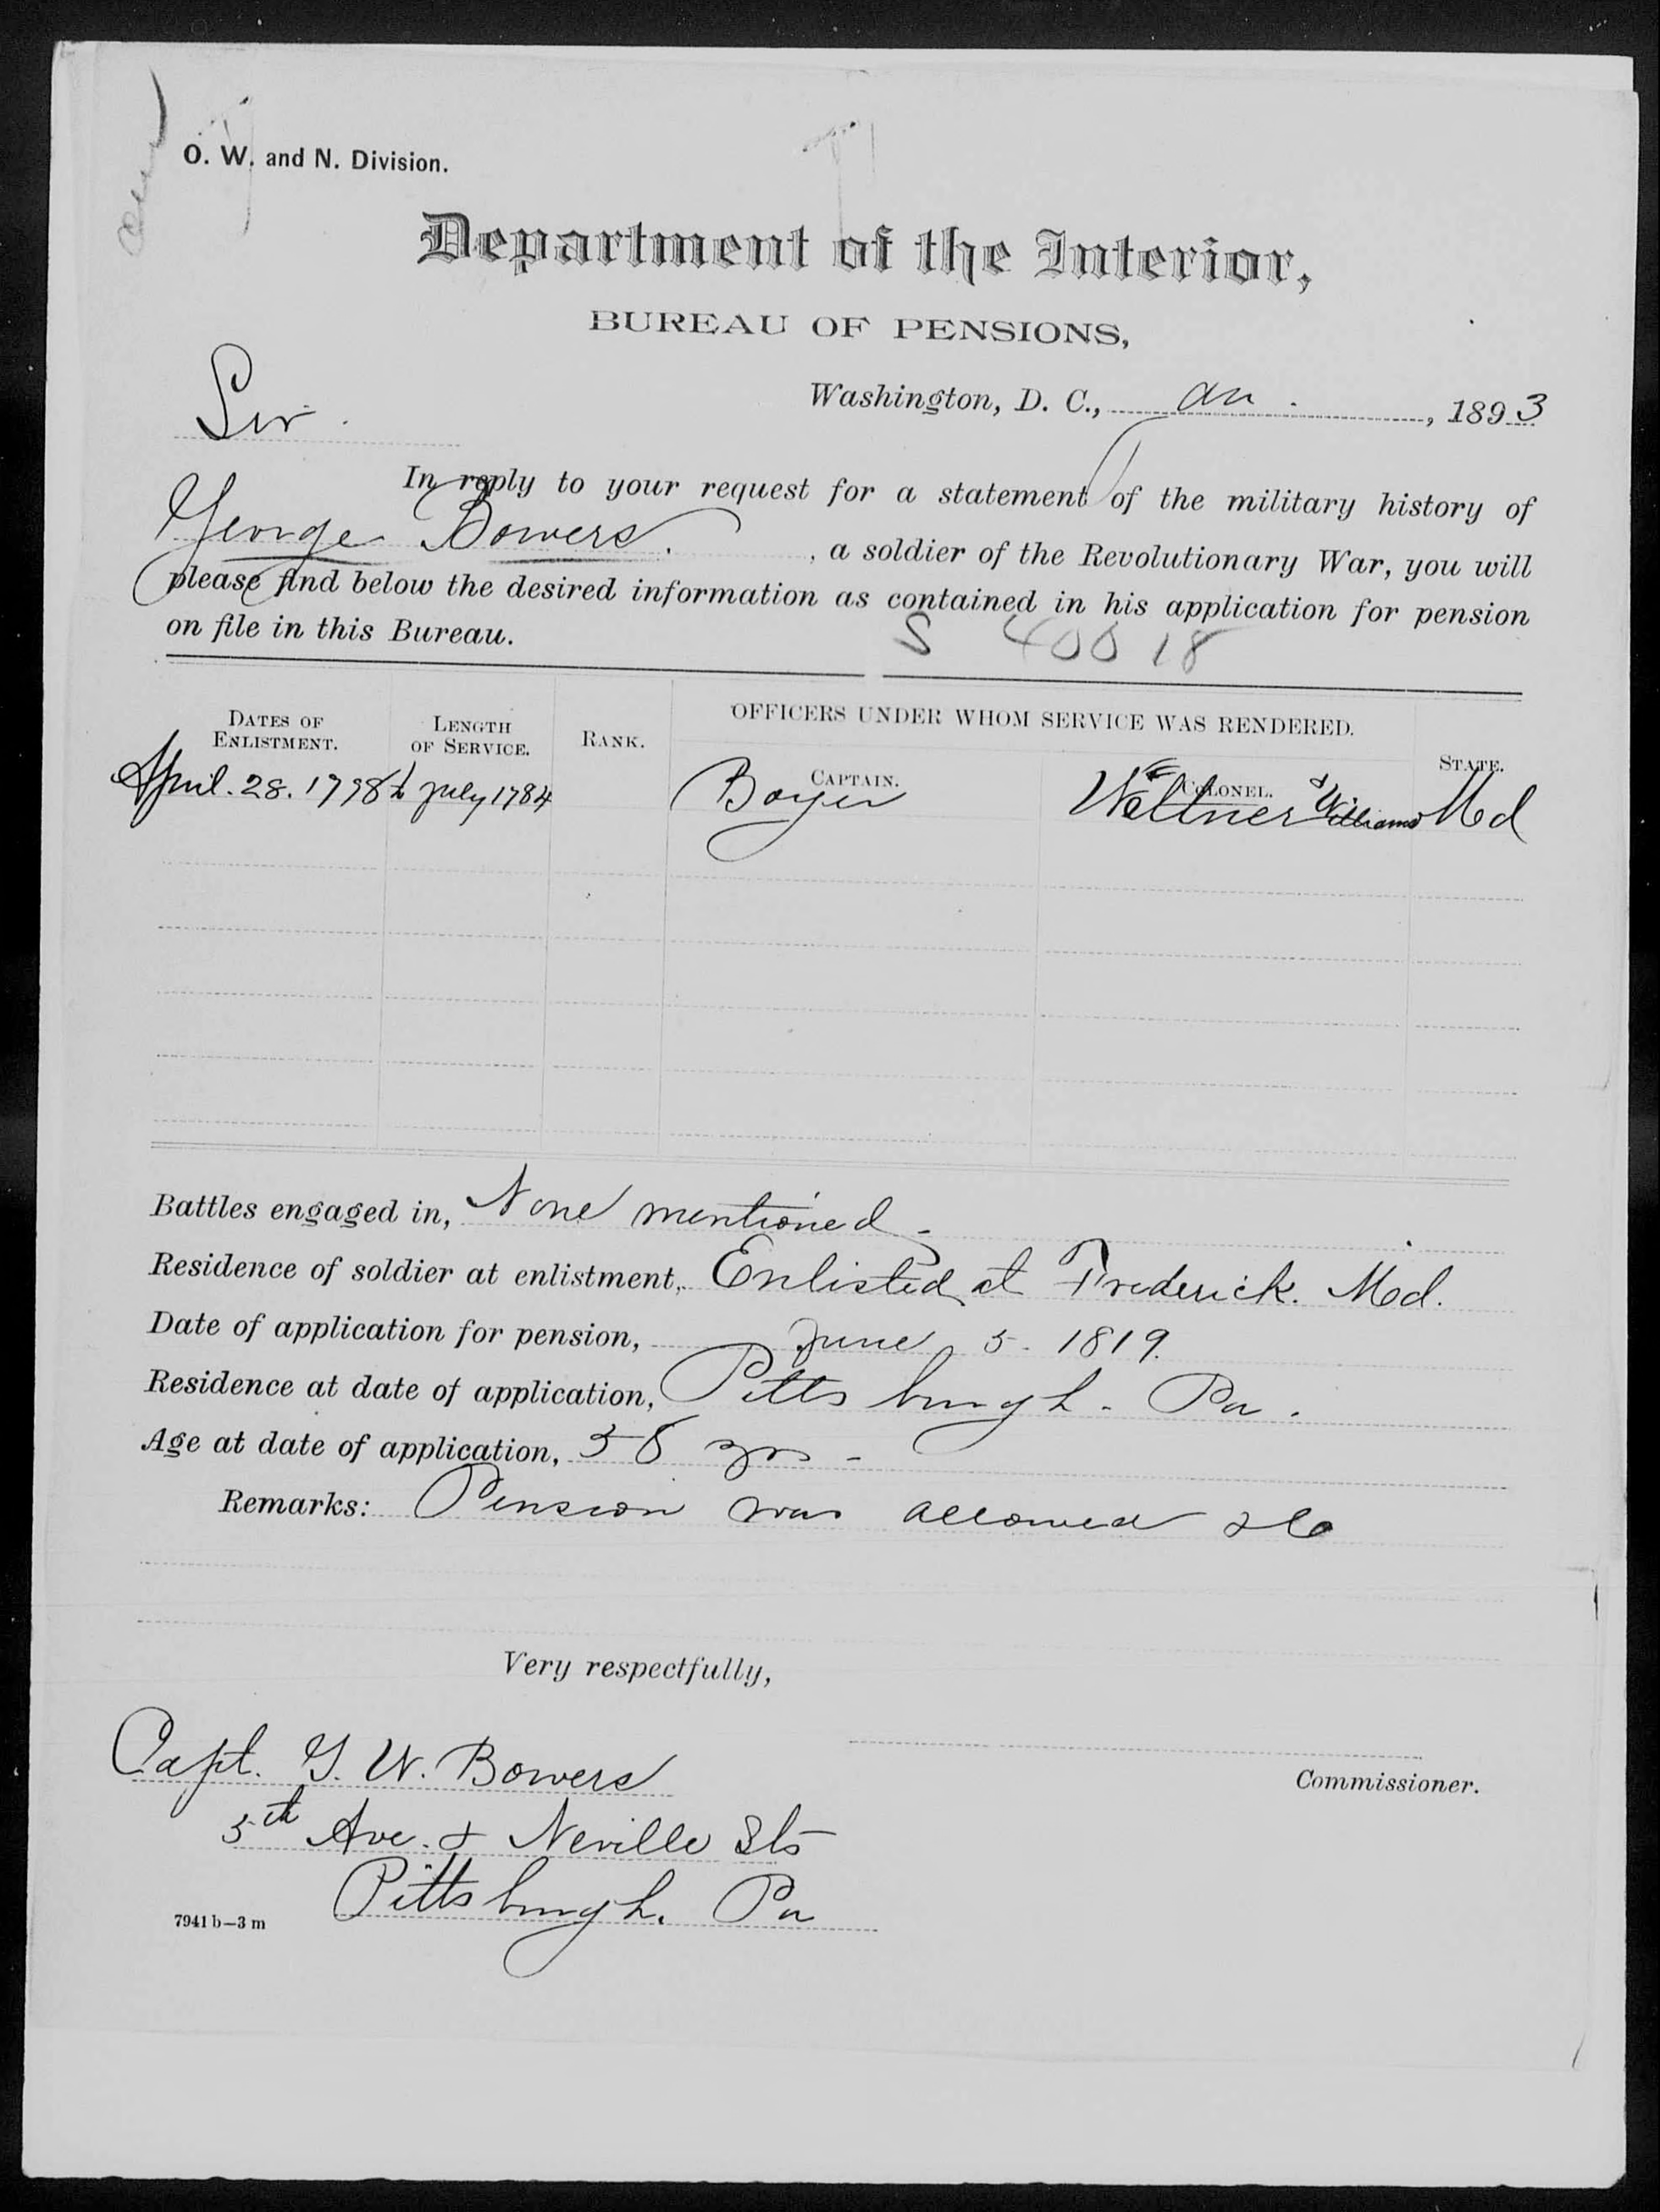[printed form completed in handwriting]

O. W. and N. Division.
Department of the Interior,
Bureau of Pensions,
Washington D.C., Jan, 1893

Sir
In reply to your request for a statement of the military history of George Bowers, a soldier of the Revolutionary War, you will please find below the desired information as contained in his application for pension on file in this Bureau.   S 40018
[table]
Dates of Enlistment. April. 28. 1778 to July 1784

Length of Service. [blank]

Rank. [blank]

Officers under Whom Service was Rendered.
Captain. Boyer
Colonel. Weltner & Williams. 
State. Md

Battles engaged in, None mentioned
Residence of soldier at enlistment, Enlisted at Frederick. Md.
Date of application for pension, June 5, 1819
Residence at date of application, Pittsburgh, Pa.
Age at date of application, 58 yrs
Remarks:  Pension was allowed [illegible]

Very respectfully, [blank] Commissioner.

Capt. G. W. Bowers
5th Ave. & Nevill Sts
Pittsburgh. Pa

7941b-3m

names: George Bowers, G W Bowers, Boyer, Weltner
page: 11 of 19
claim: survivor's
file: S. 40,018, George Bowers, Md